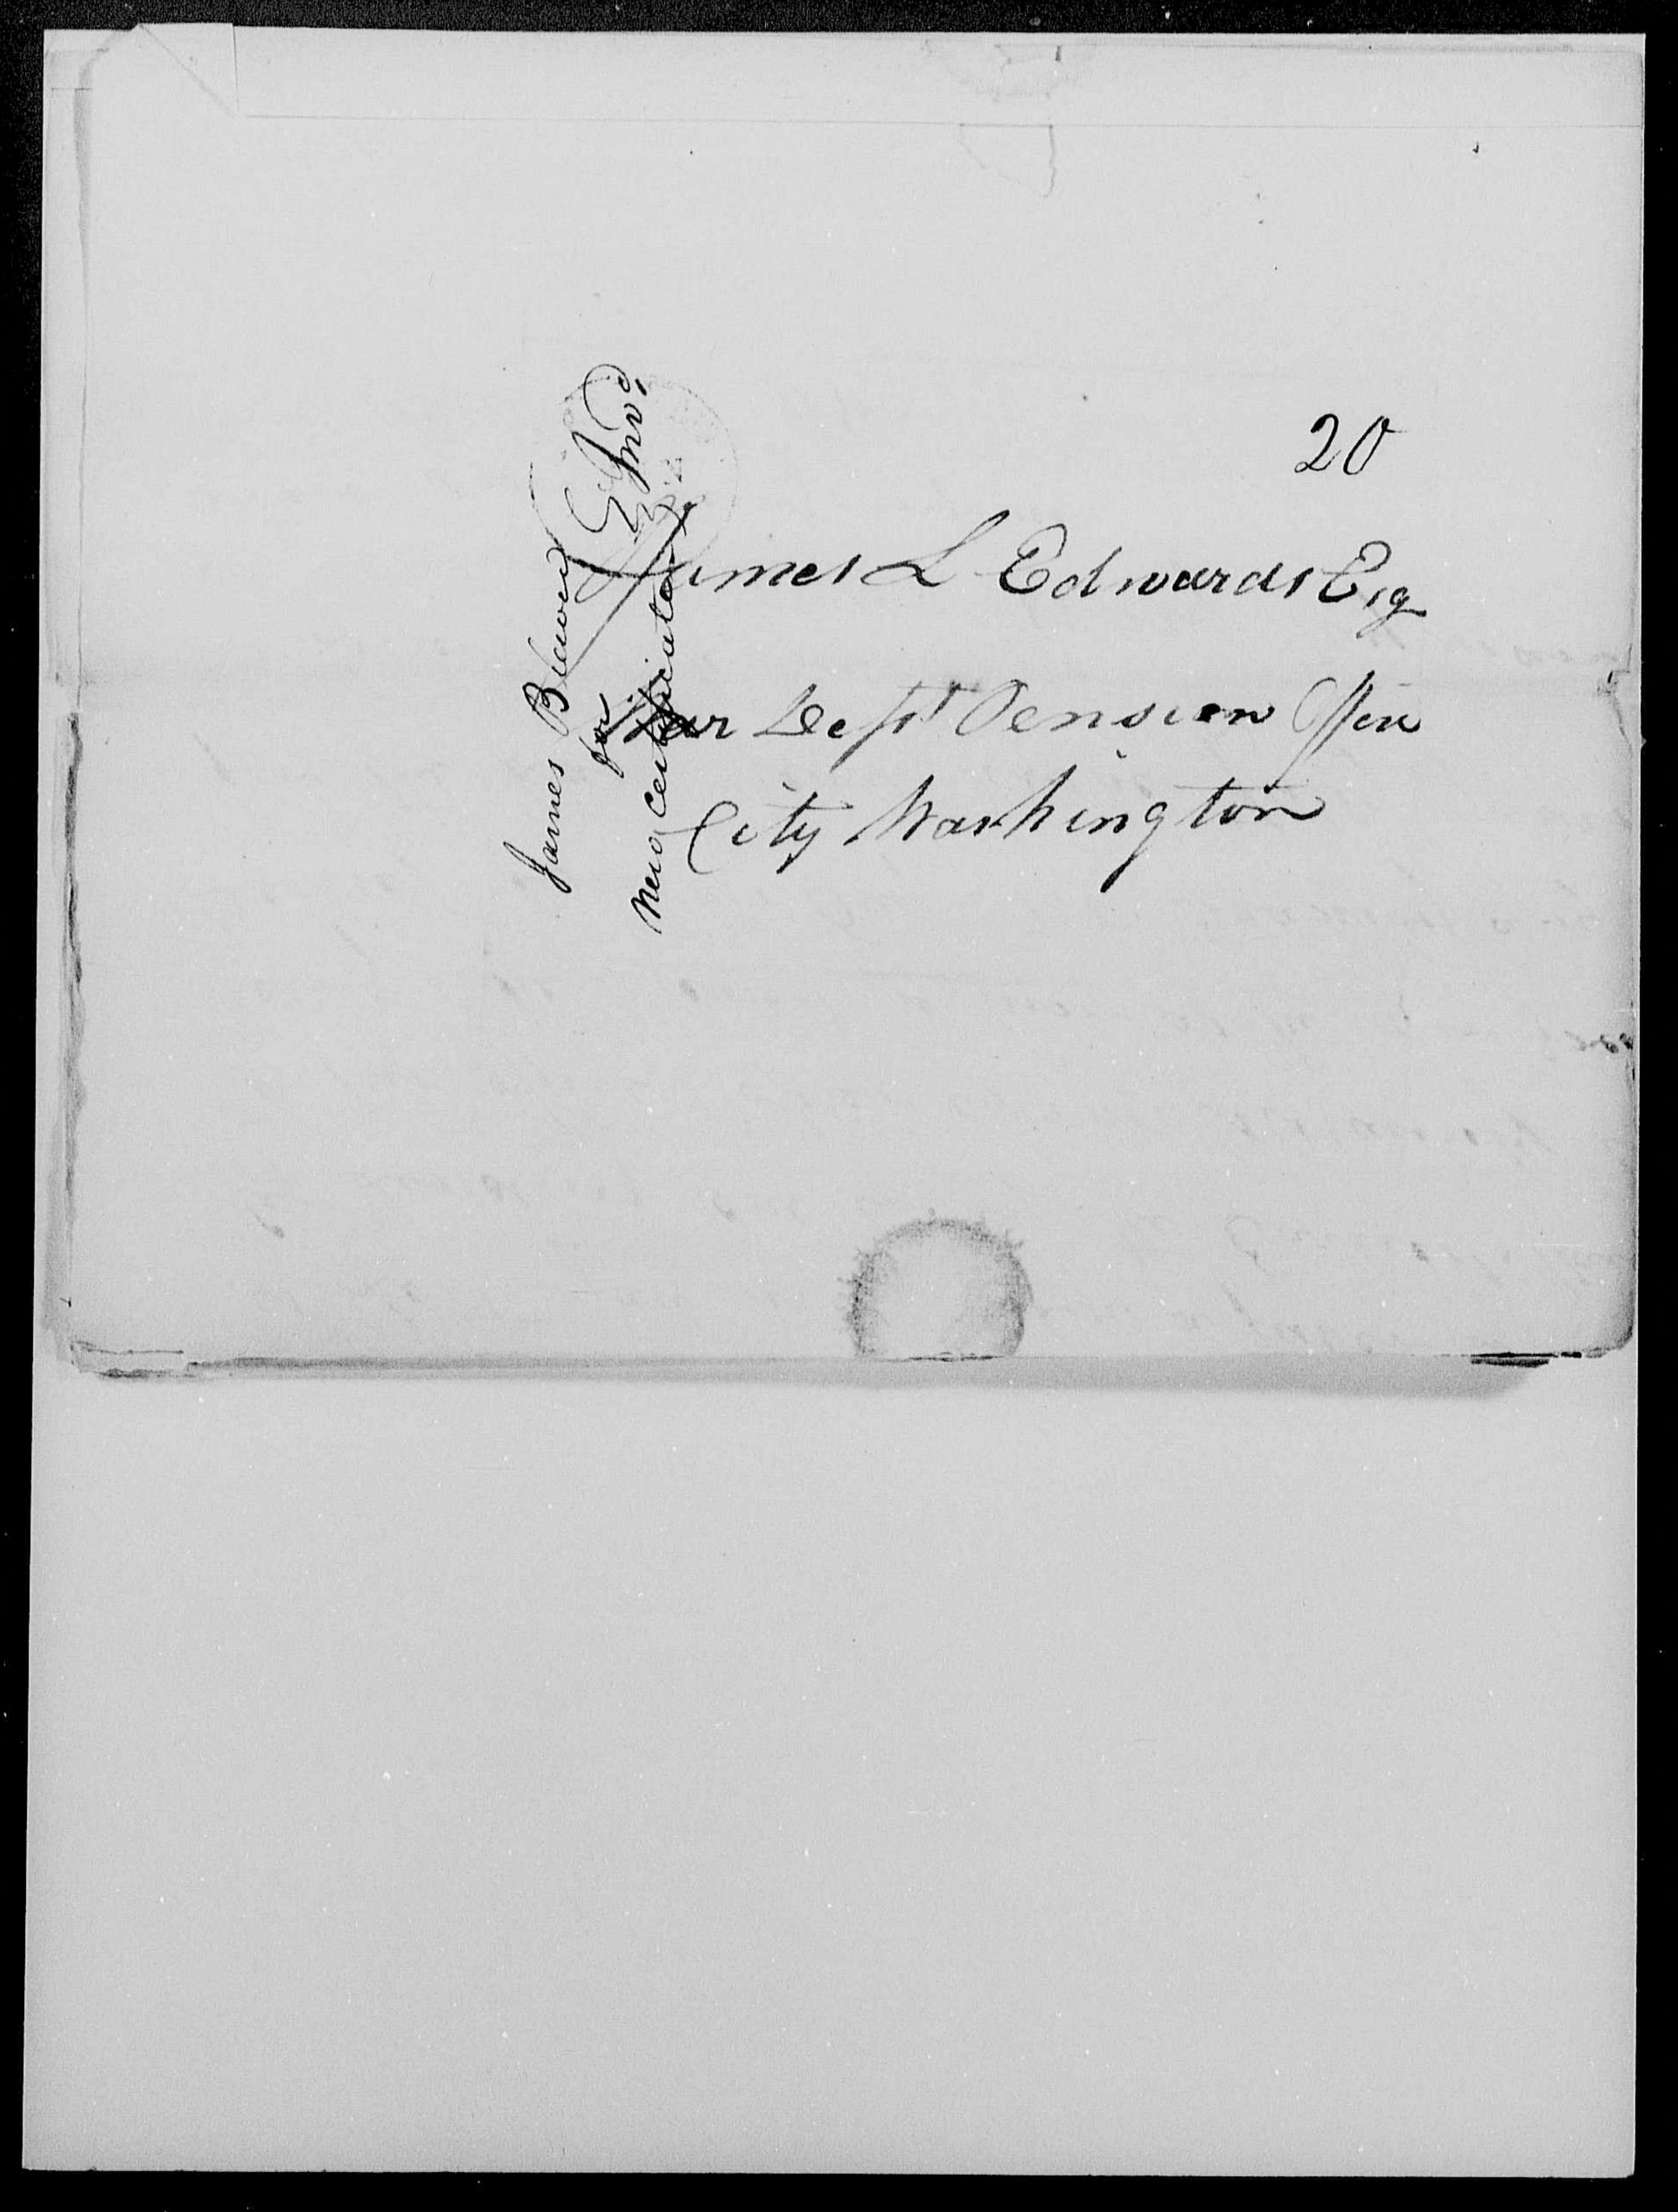20

James L Edwards Esq
War Dept Pension Off
City of Washington

James Blewer
for New certificate

MAIL STAMP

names: James L Edwards, James Blewer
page: 26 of 30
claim: survivor's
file: S. 10093, James Blewer, Md.